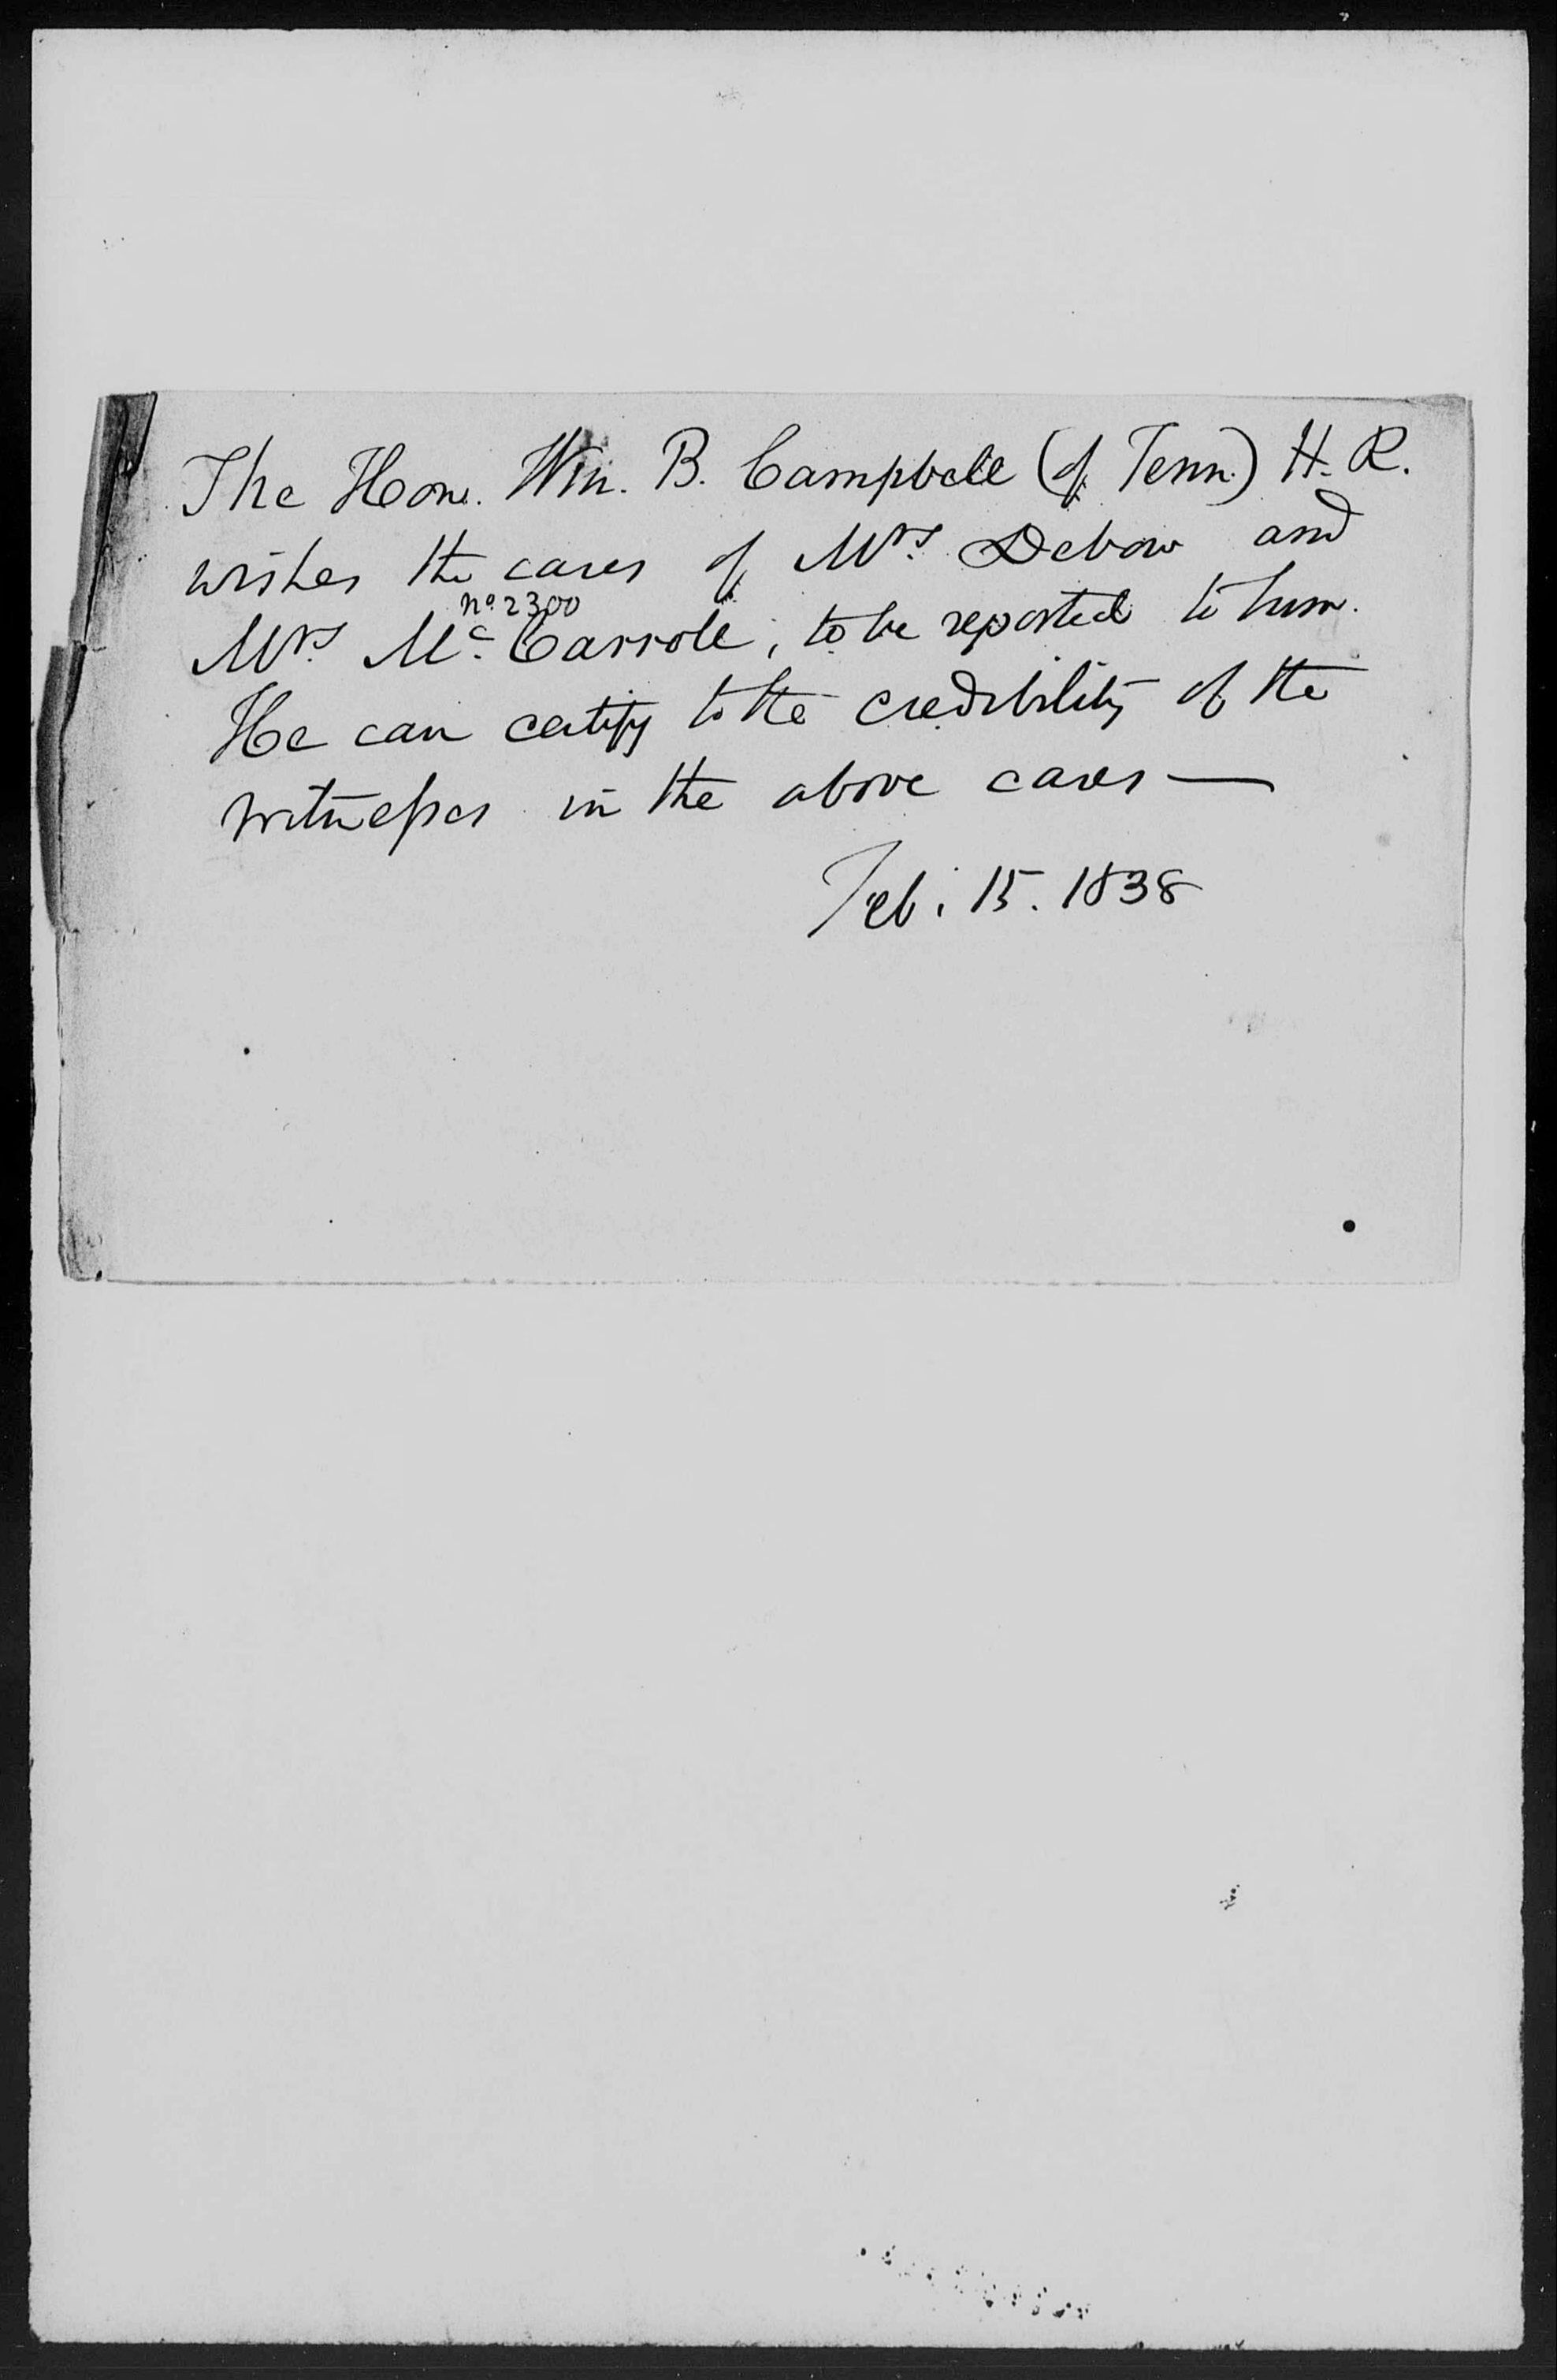The Honorable Wm B. Campbell (of Tenn.)
Wishes [illegible] cares of Mrs. Debow
[illegible] M.  [inserted No. 2300] Carrole, to be reported to him.
He can certify to the credibility of the
[illegible] in the above cases – 
Feb. 15. 1838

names: Debow, Mc Carroll, Wm B Campbell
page: 26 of 62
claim: widow's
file: W 7005, Frederick Debow, N.C.